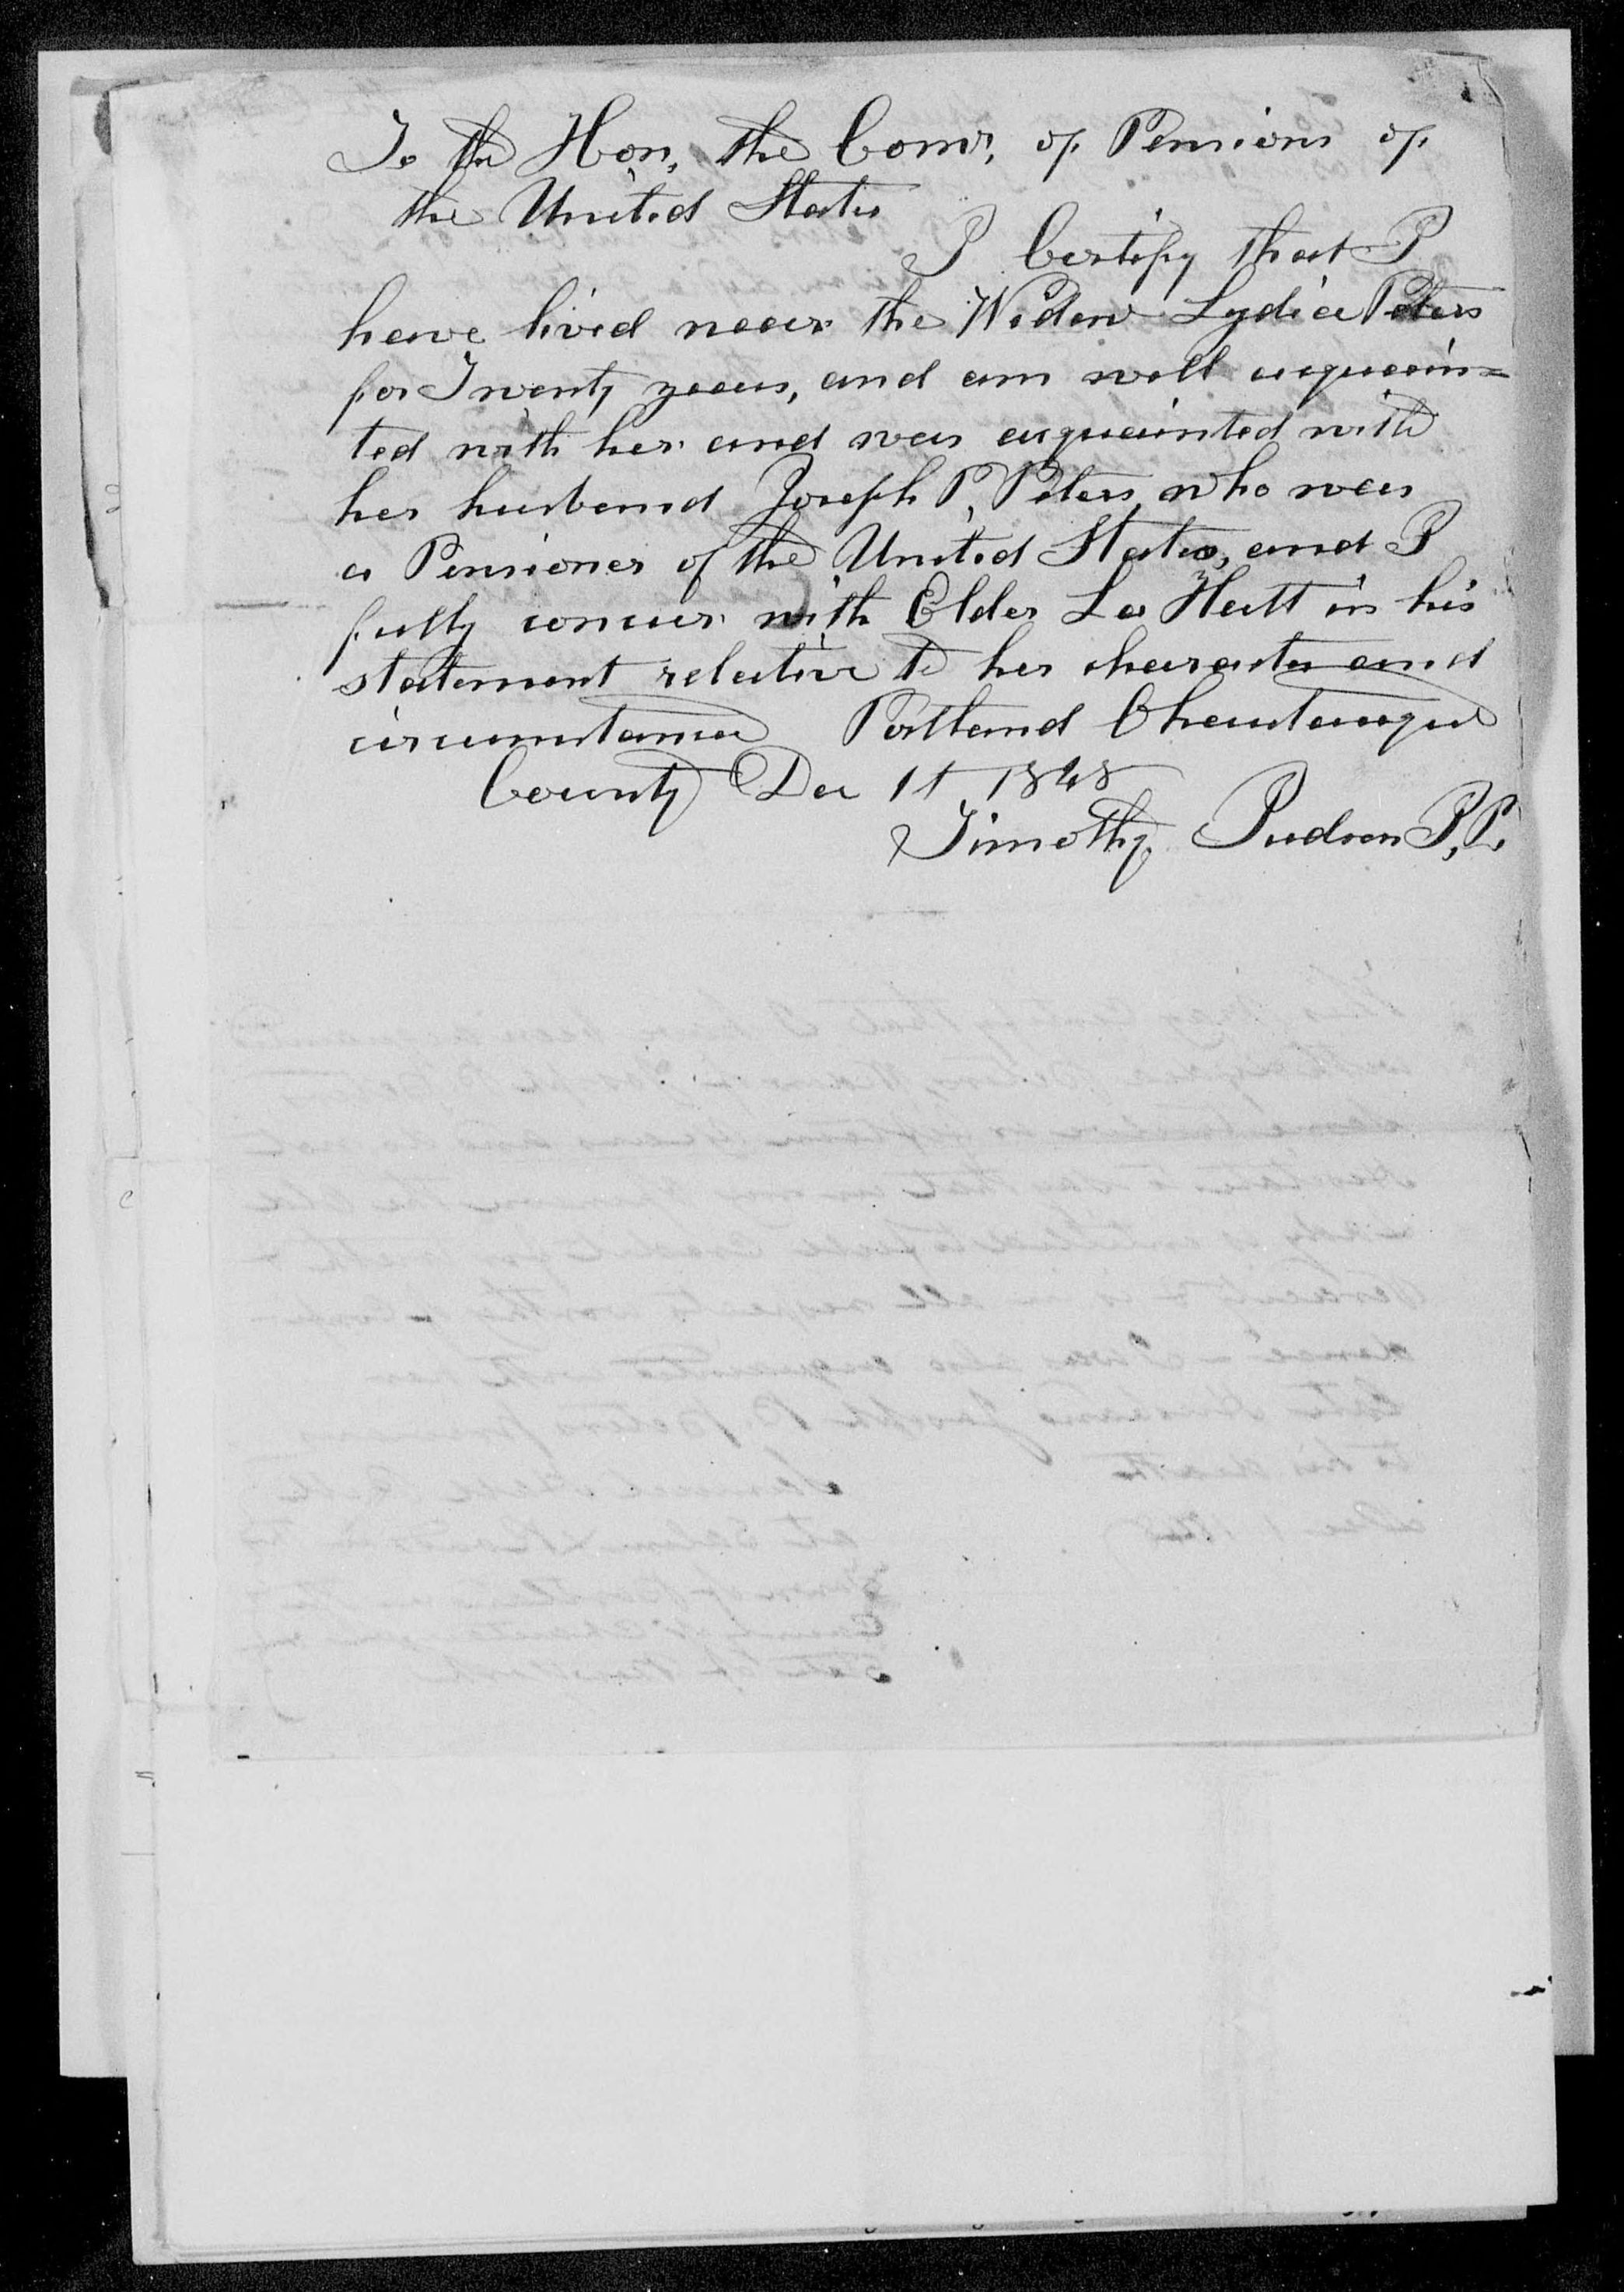To the Hon. the Com of Pensions the United States 
I Certify that I have lived near the Widow Lydia Peters for Twenty years, and am well acquainted with her and was acquainted with her husband Joseph P. Peters, who was Pensioner of the United States and I fully concur with Elder LaHatt in his statement relative to her character and circumstances.   Portland Chautauqua County Dec 11 1848 
Timothy Judson J. P.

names: Joseph P Peters; Timothy Judson; Lee Hutt; Lydia Peters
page: 61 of 73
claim: widow's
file: W. 2338, for Joseph P Peters, Connecticut